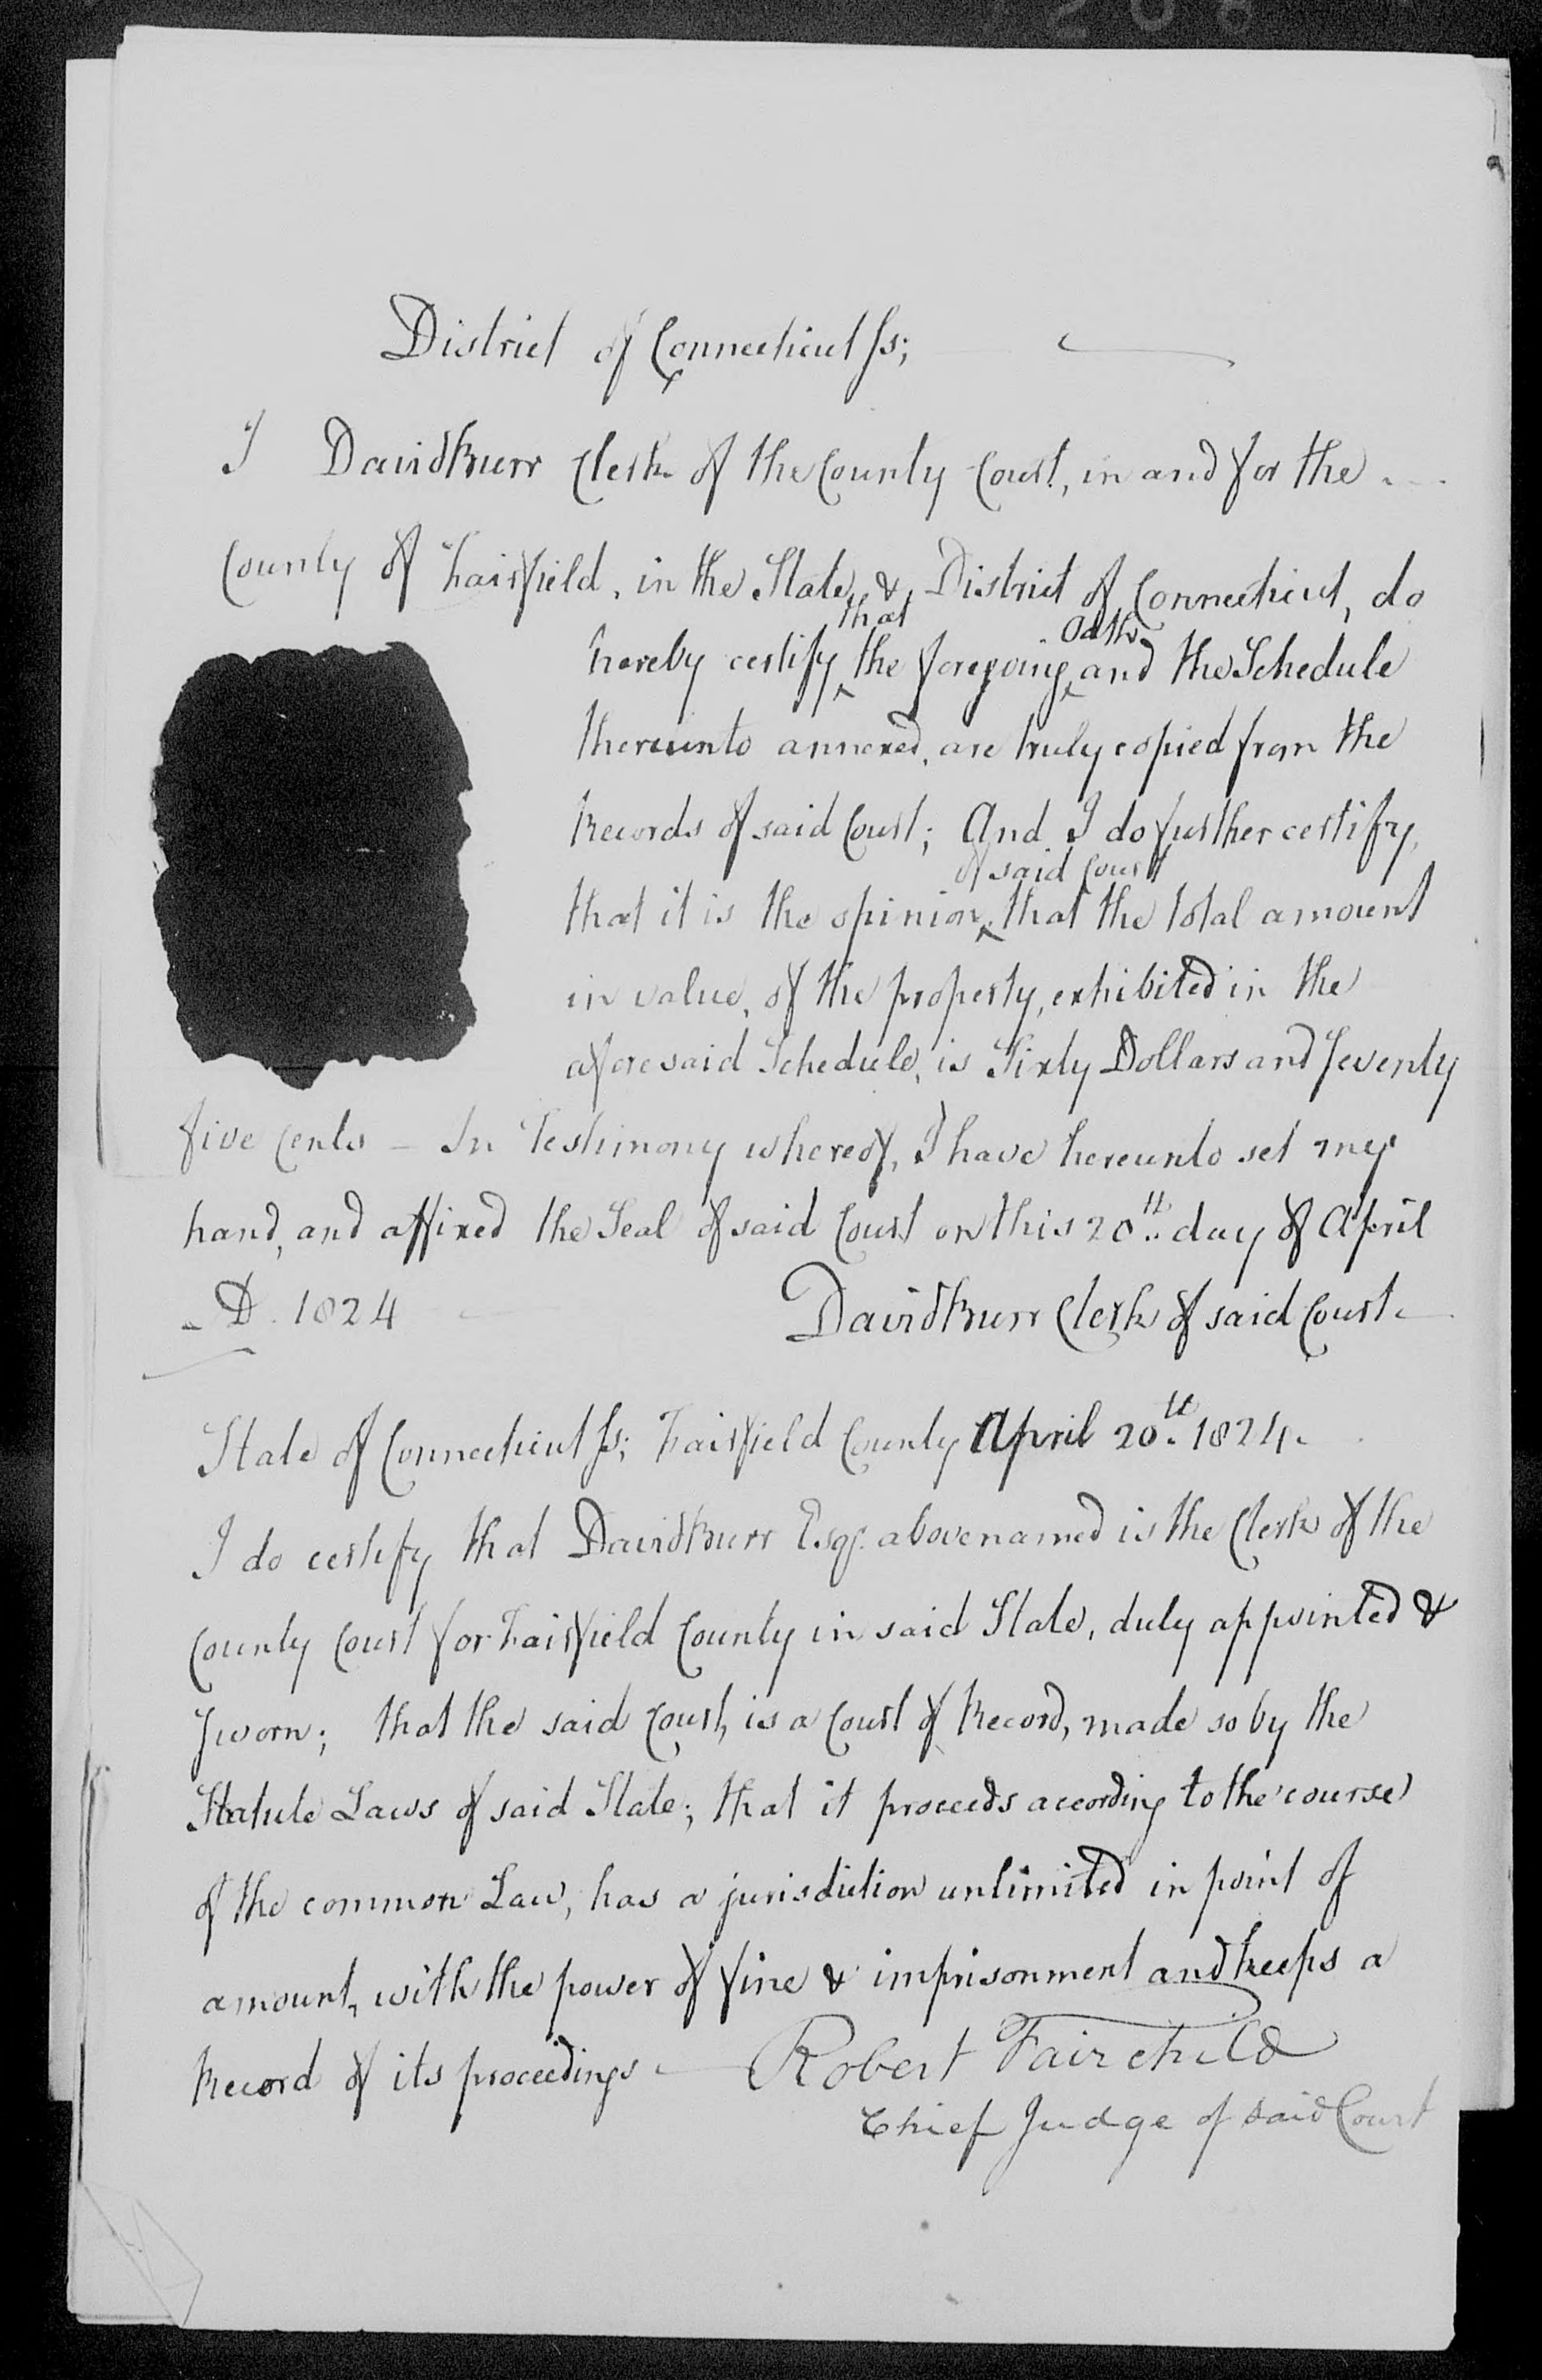District of Connecticut ss:
I David Burr Clerk of the County Court in and for the County of Fairfield, in the State & District of Connecticut, do hereby certify that the foregoing oath and the Schedule thereunto annexed, are truly copied from the Records of said Court; and I do further certify that it is the opinion of said Court that the total amount in value of the property exhibited in the aforesaid Schedule, is sixty dollars and seventy five cents. In testimony whereof I have hereunto set my hand, and affixed the seal of said Court on this 20th day of April AD 1824.
David Burr Clerk of said Court
State of Connecticut ss: Fairfield County April 20th 1824
I do certify that David Burr Esq above named is the Clerk of the County Court for Fairfield County in said State, duly appointed & sworn; that the said Court is a Court of Record, made so by the Statute Laws of said State; that it proceeds according to the course of the common Law; has a jurisdiction unlimited in point of amount, with the power of fine & imprisonment and keeps a record of its proceedings.
Robert Fairchild
Chief Judge of said Court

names: David Burr, Robert Fairchild, David Burr, David Burr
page: 56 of 61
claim: widow's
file: W. 29,929, Hezekiah Betts, Conn.